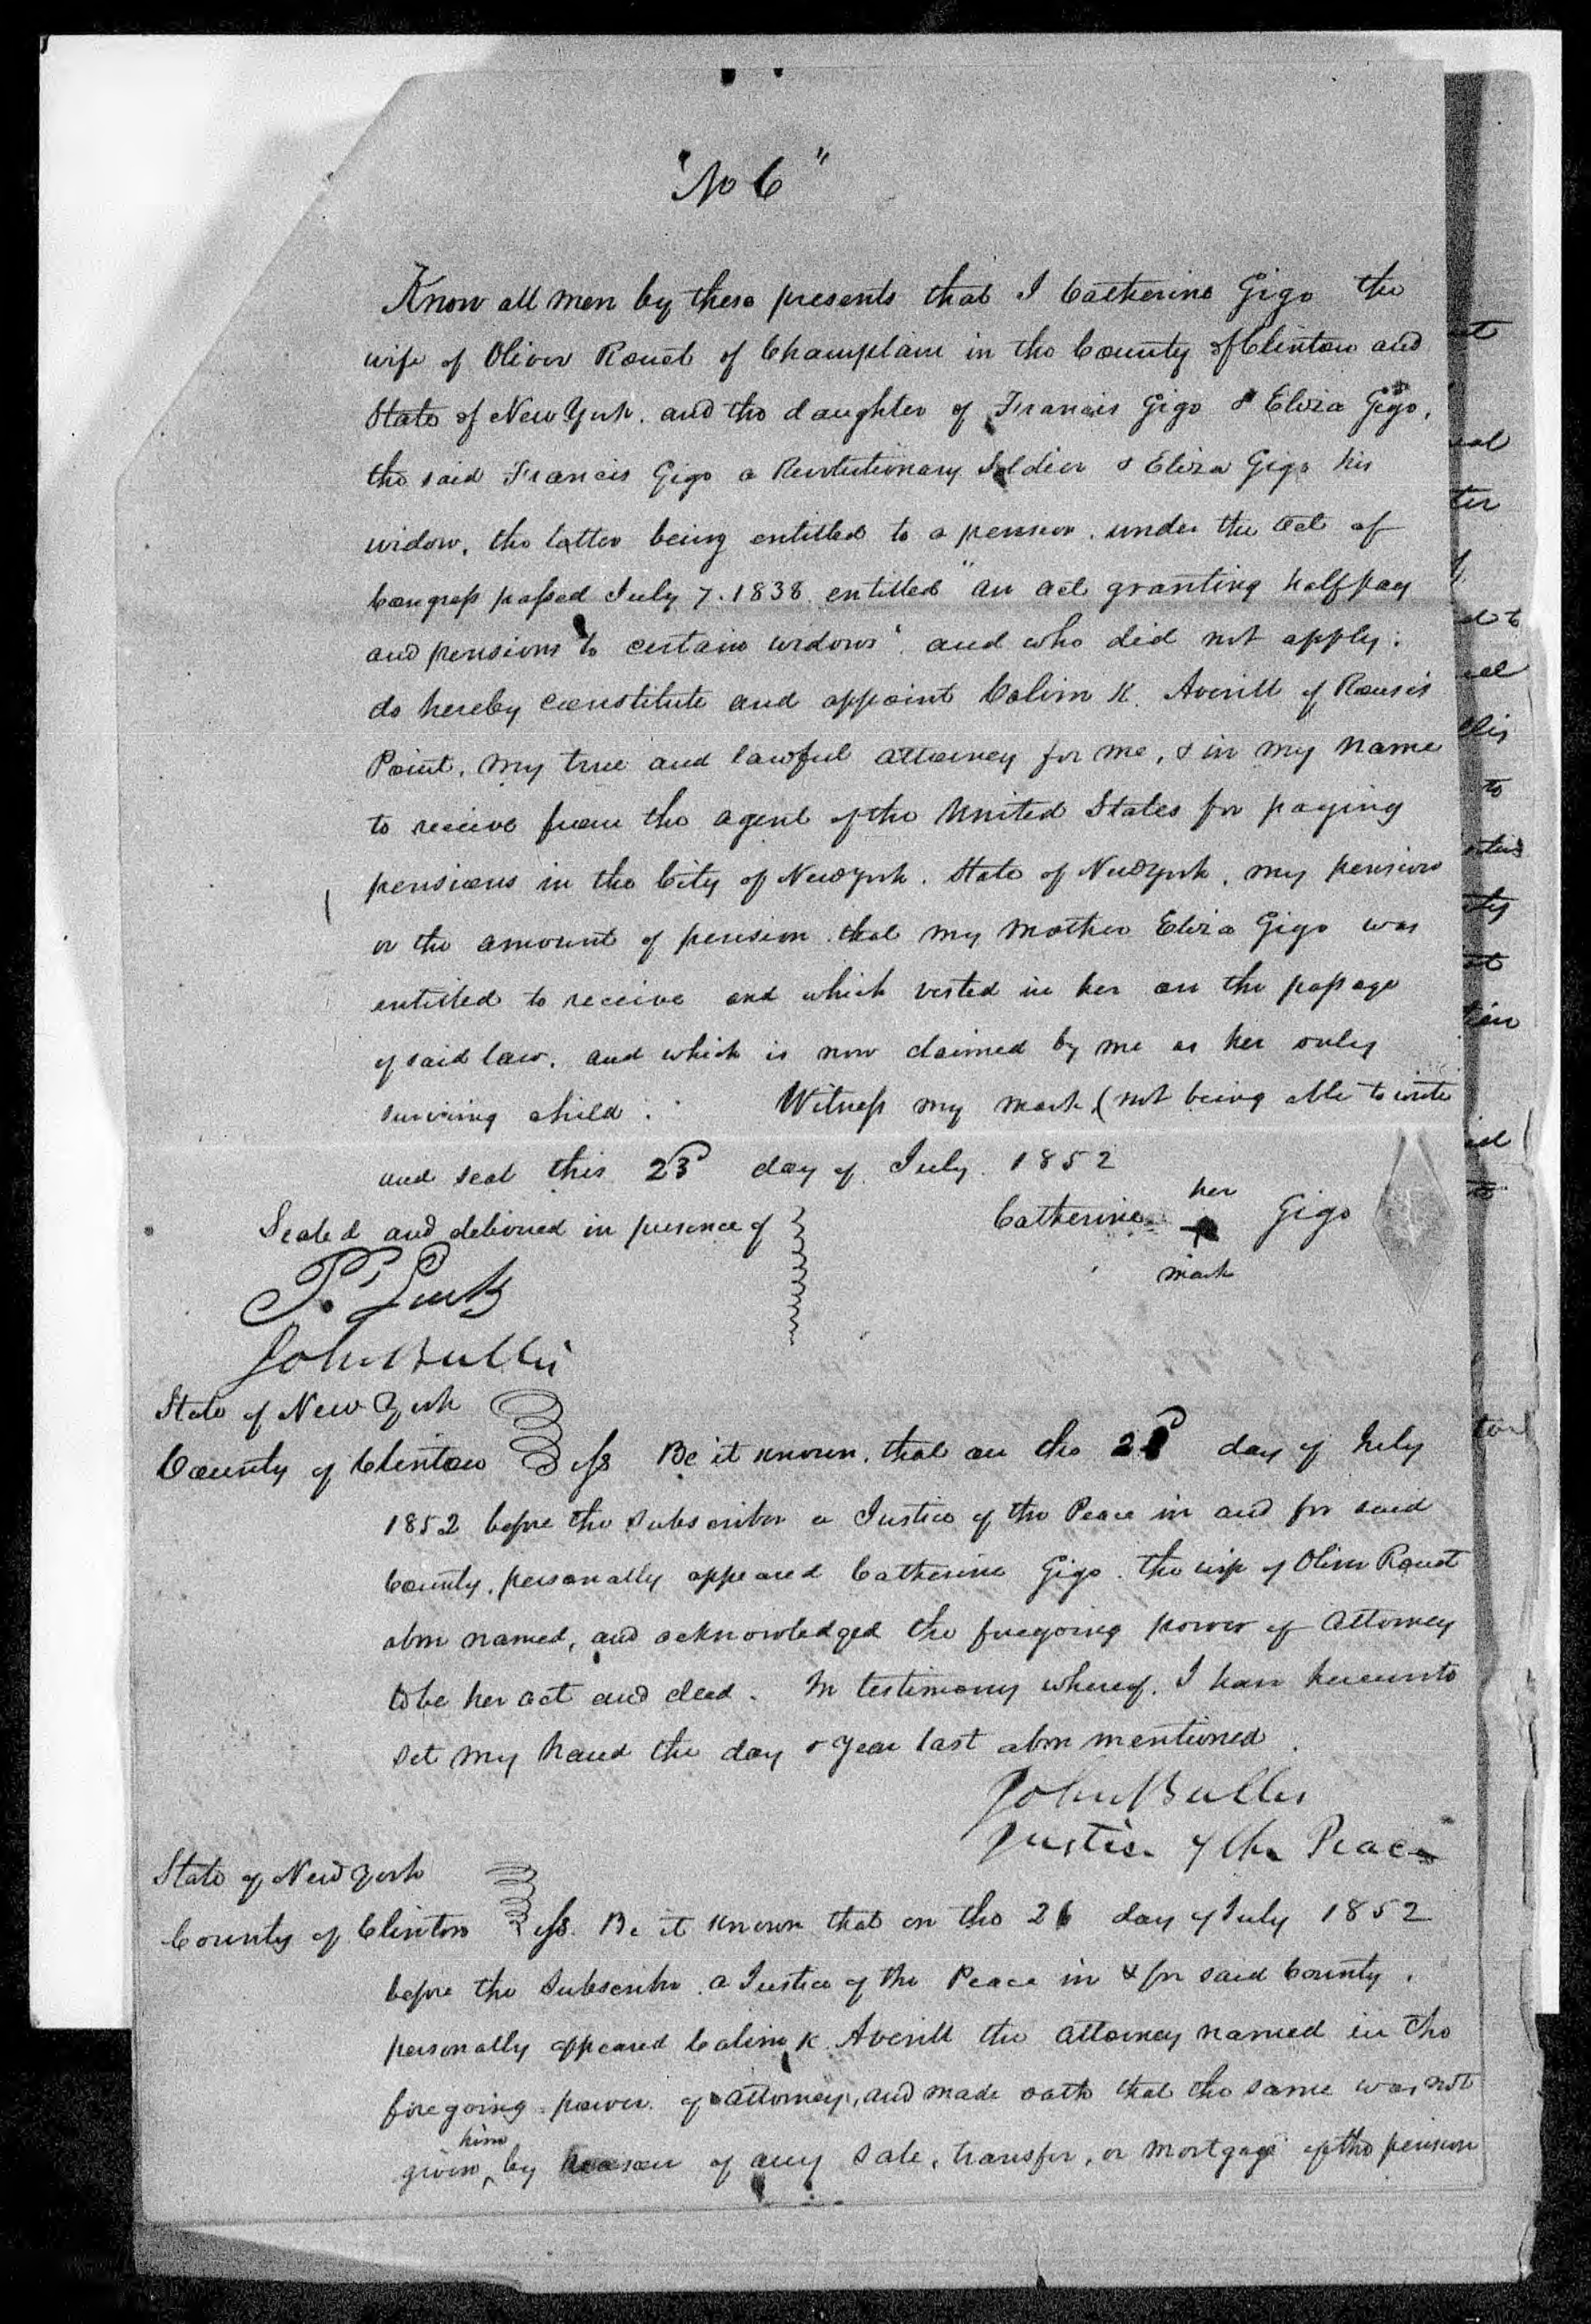"No 6"
Know all men by these present that I Catherine Gigo the wife of Oliver Roust of Champlain in the County of Clinton and State of New York and the daughter of Francis Gigo & Eliza Gigo, the said Francis Gigo Revolutionary Soldier & Eliza Gigo,  his widow, the latter being entitled to a pension under the act  of Congress passed July 7, 1838 entitled "an act granting half pay and pensions to certain widows" and who did not apply, do hereby constitute and appoint Colim H Averill of Rouse's Point, my true and lawful attorney for me, & in my name to receive from the agent of the United States for paying pensions in the City  of New York. State of New York, my pension or the amount of pension that my mother, Eliza Gigo was entitled to receive and which vested in her are the passage of said law, and which is now desired by me as her only living child.
Witness my mark (not being able to write and seal) this 28th day of July 1853
Catherine (x her mark) Gigo

Sealed and delivered in presence of 
P. Lutz
John Bullis
State of New York
County of Clinton ss
Be it known, that on the 28th day of July 1852 before the subscriber a Justice of the Peace in
and for said County, personally appeared Catherine Gigo, the wife of Oliver Roust above named, and acknowledged the foregoing power of attorney to be her act and deed. The testimony whereof I have hereunto set my hand the day & year last abovementioned.
John Bullis
Justice of the Peace

State of New York
County of Clinton ss
Be it known that on the 26 day of July 1852 before the Subscriber, a Justice of the Peace in & for said County personally appeared Colim K. Averill the attorney named in the foregoing power of attorney, and made oath that the same was oath given him by reason of any sale, transfer or mortgage of the pension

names: Oliver Rouet, John Bullis, Calvin K Averill, John Bullis, Francis Gigo, Eliza Gigo, Catherine Gigo, Oliver Rouet, Eliza Gigo, P Luck, Calvin K Averill, Eliza Gigo, Francis Gigo, Catherine Gigo, Catherine Gigo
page: 52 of 98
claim: widow's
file: W. 21182, Francis Gigo, Continental (Canadian)